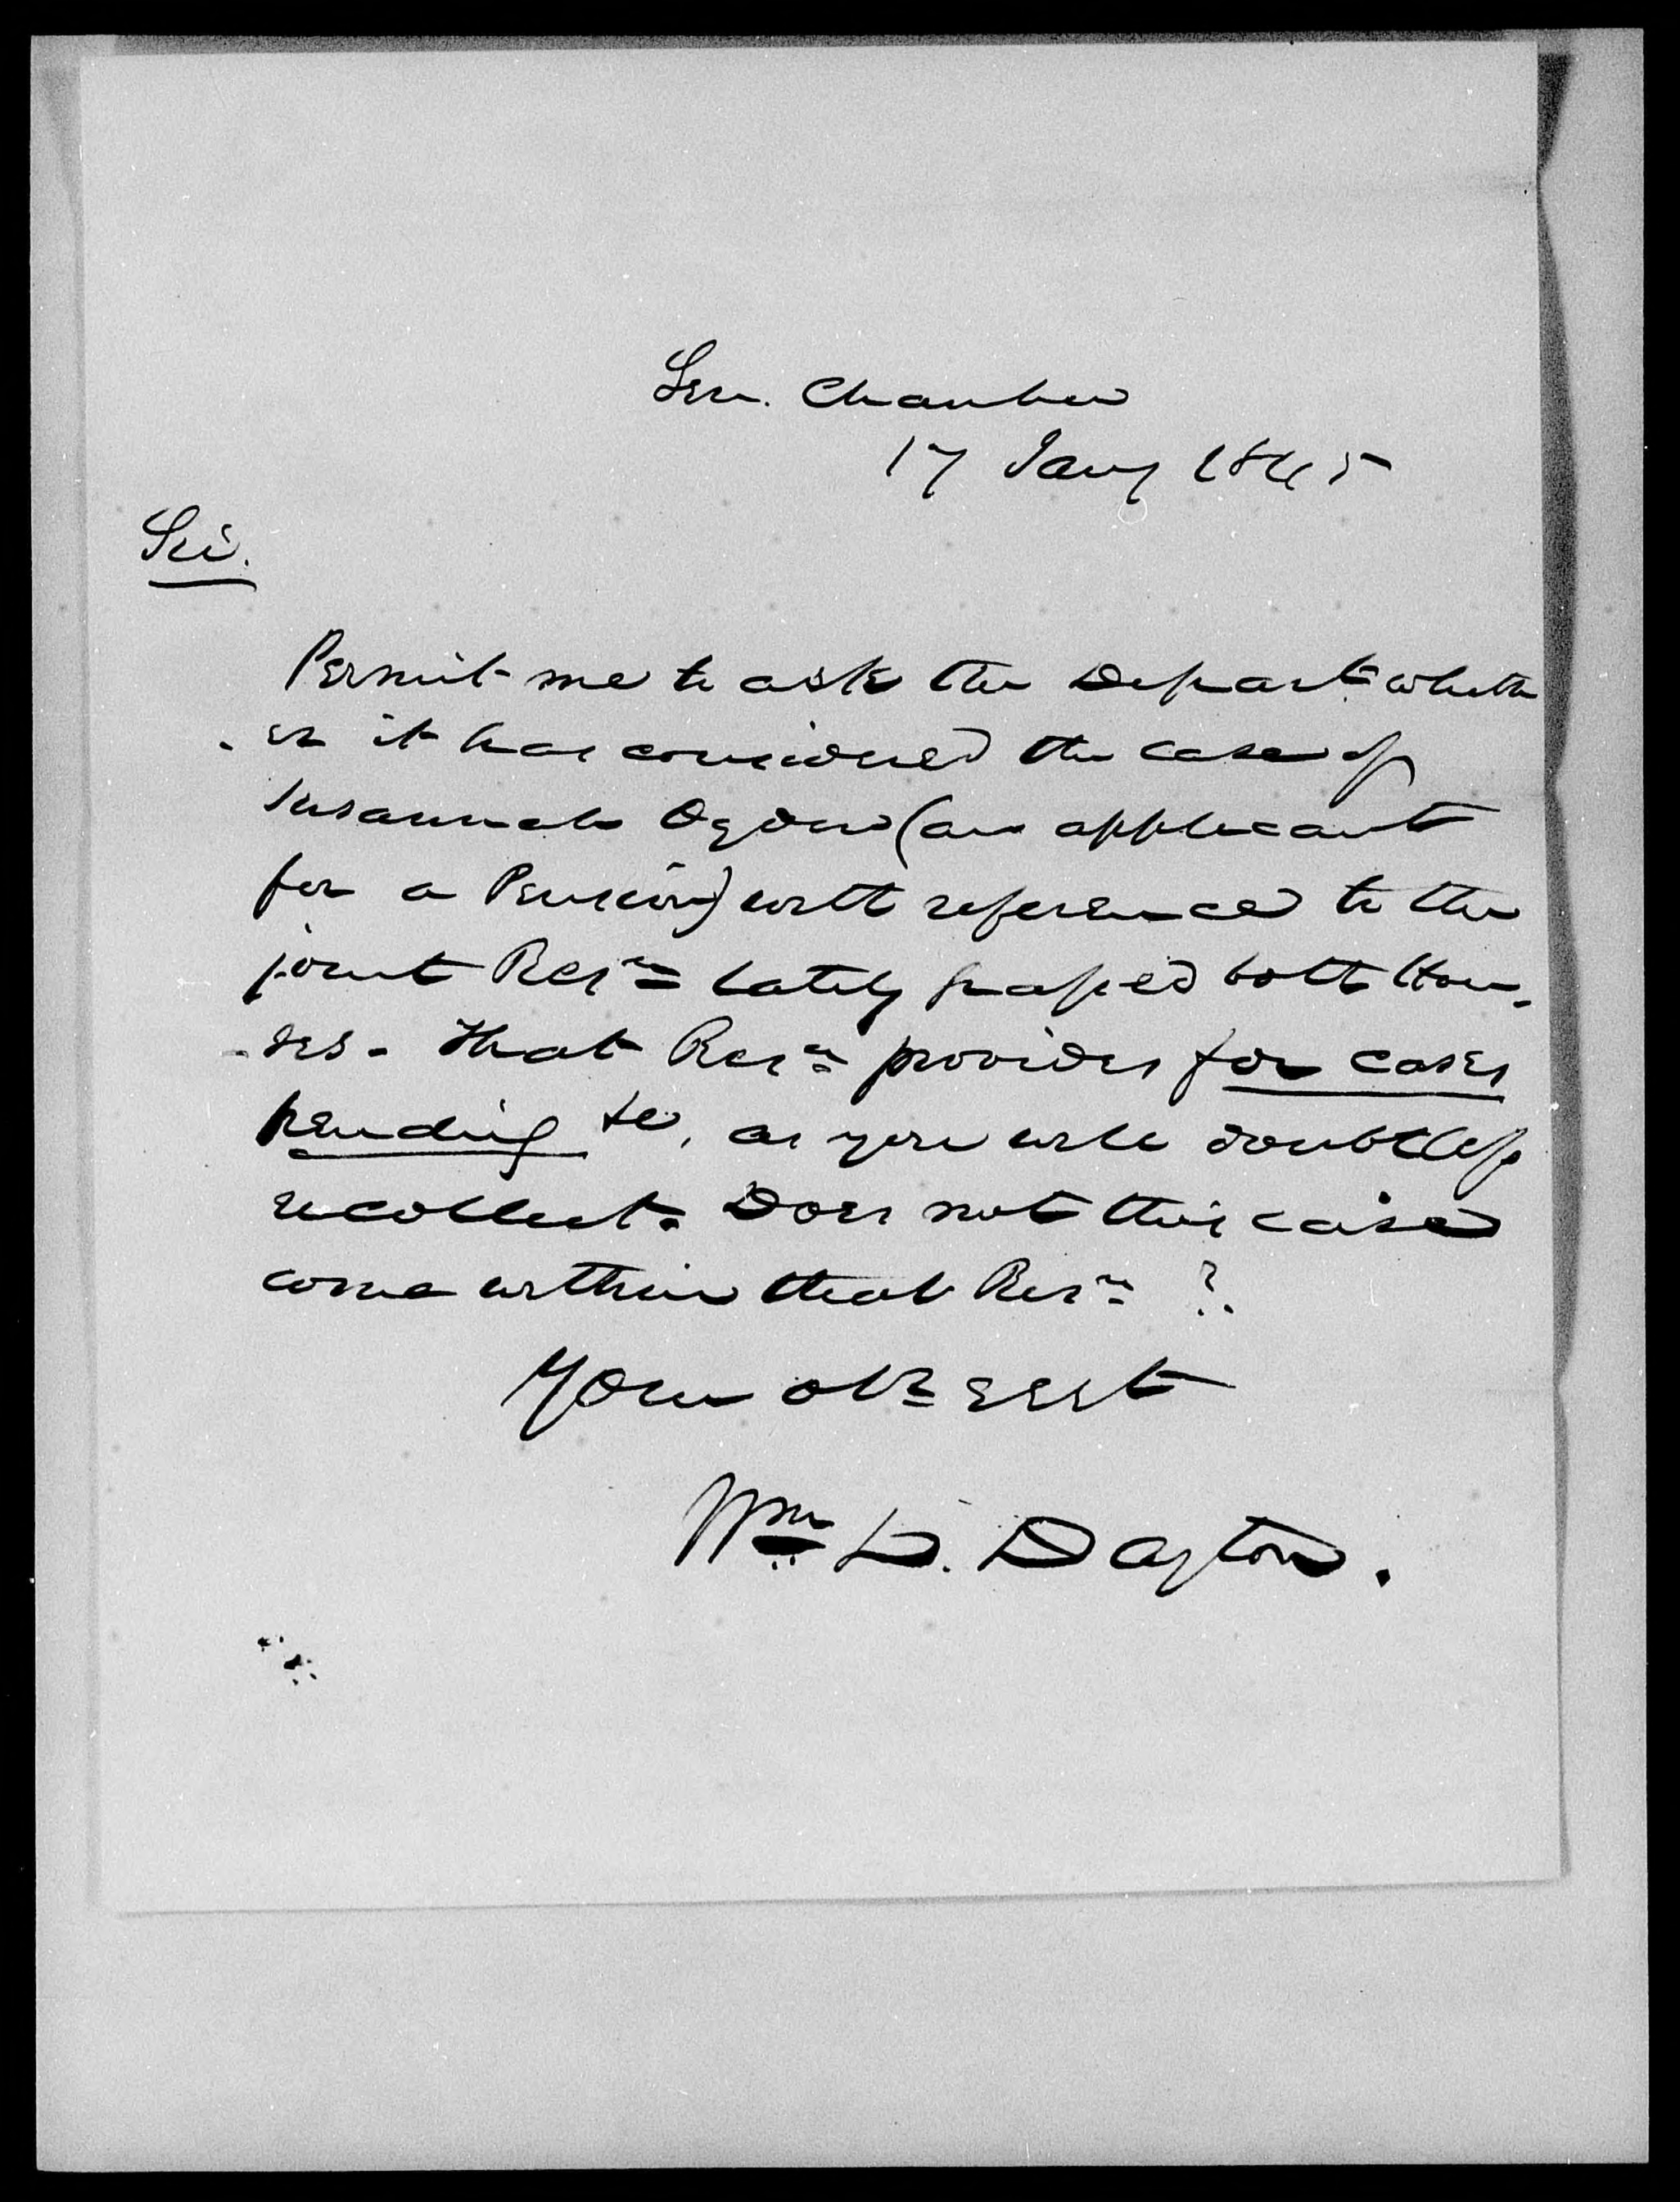Sec. Chamber
17 Jany 1845

Sir.
Permit me to ask the Depart. whether 
it has considered the case of
Susannah Ogden (an applicant 
for a Pension) with reference to the
joint Resn. lately pased both Houses.  
That Resn. provides [underlined] for cases
pending &c, as you will doubtless 
recollect.  Does not this case
come within that Resn?

your obt sert
Wm L. Dayton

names: Susannah Ogden; Wm L Dayton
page: 28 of 40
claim: widow's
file: W. 24364, for David Ogden, New York